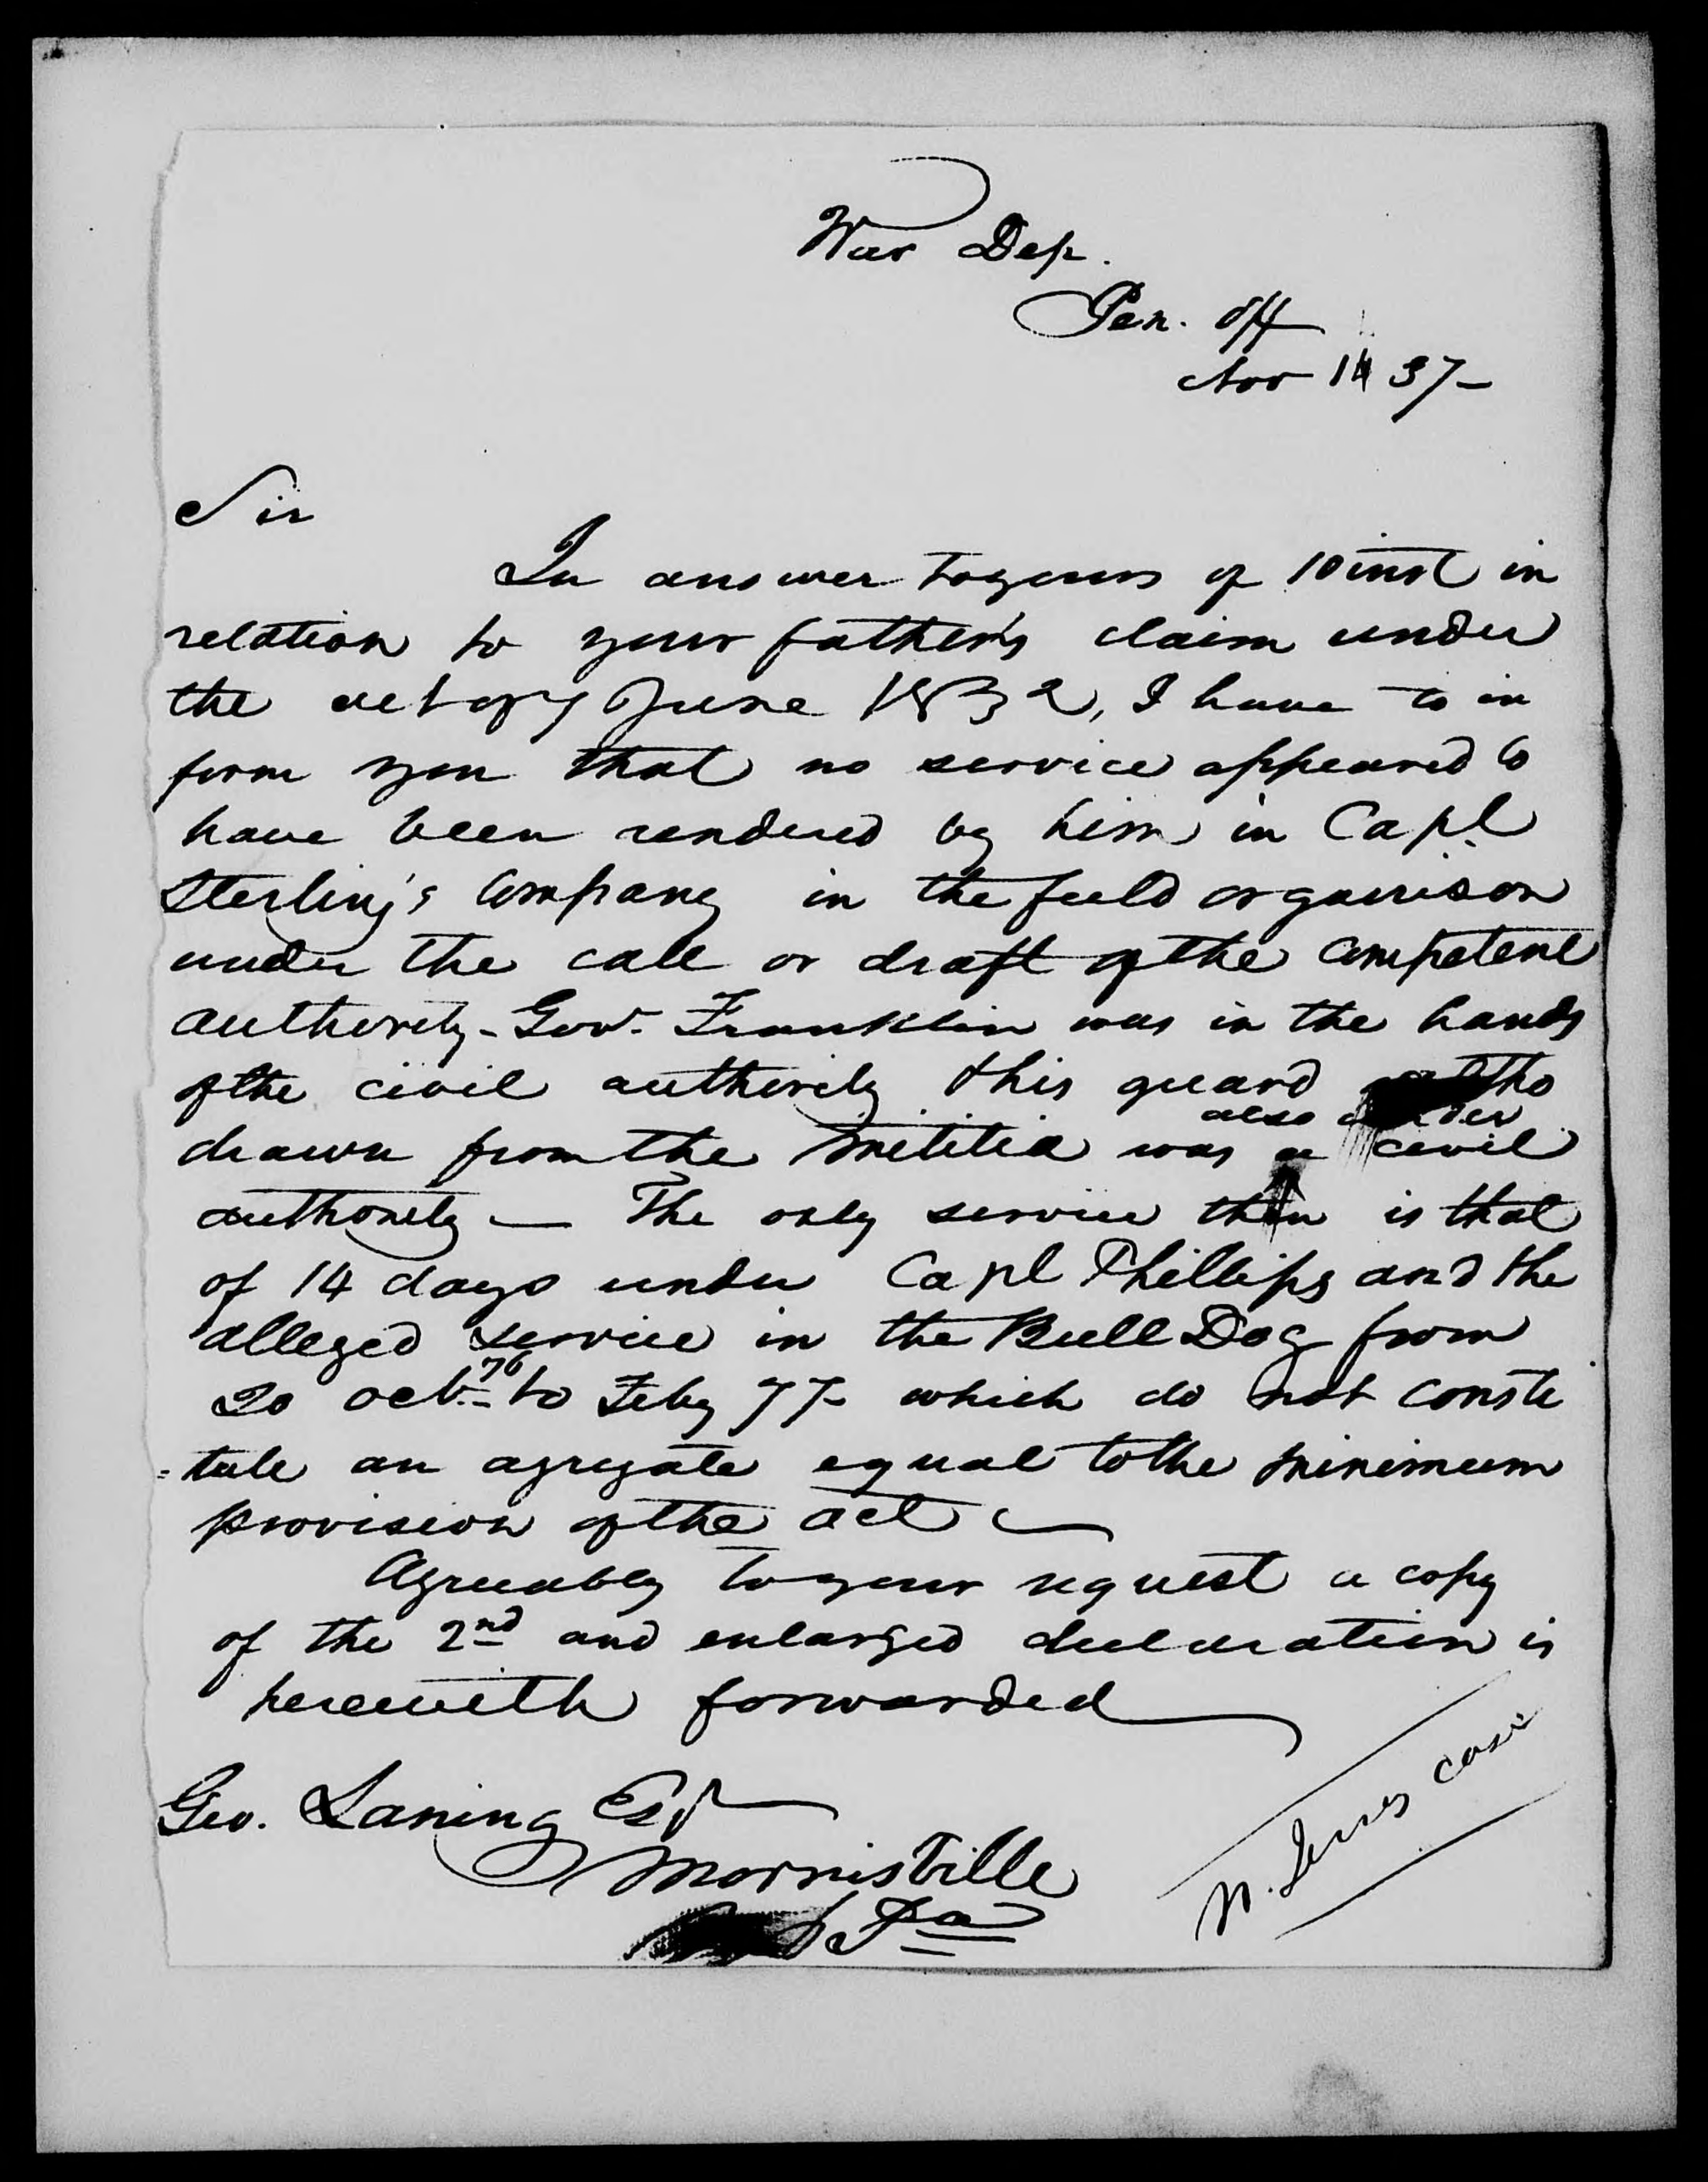War Dep.
Pen. Off
Nov 14 37-

Sir

In answer to yours of 10 [inst?] in relation to your father's claim under the act of June 1832, I have to inform you that no service appeared to have been rendered by him in Capt Sterling's Company in the field organison under the call or draft of the competent authority_ Gov. Franklin was in the hands of the civil authority & his guard drawn from the militia was also a civil authority _ The only service then is that of 14 days under Capt Phillips and the alleged service in the Bull Dog from 20 Oct. 76 to July 77- which do not constitute an agregate equal to the minimum provision of the Act_
Arguably to your request a copy of the 2nd and enlarged declaration is herewith forwarded
Geo. Laning Esqr
Morrisville Pa..
N. Jersey case.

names: Geo Laning; [BLANK] Phillips; N Jones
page: 16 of 39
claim: rejected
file: R. 6154, for James Laning, New Jersey